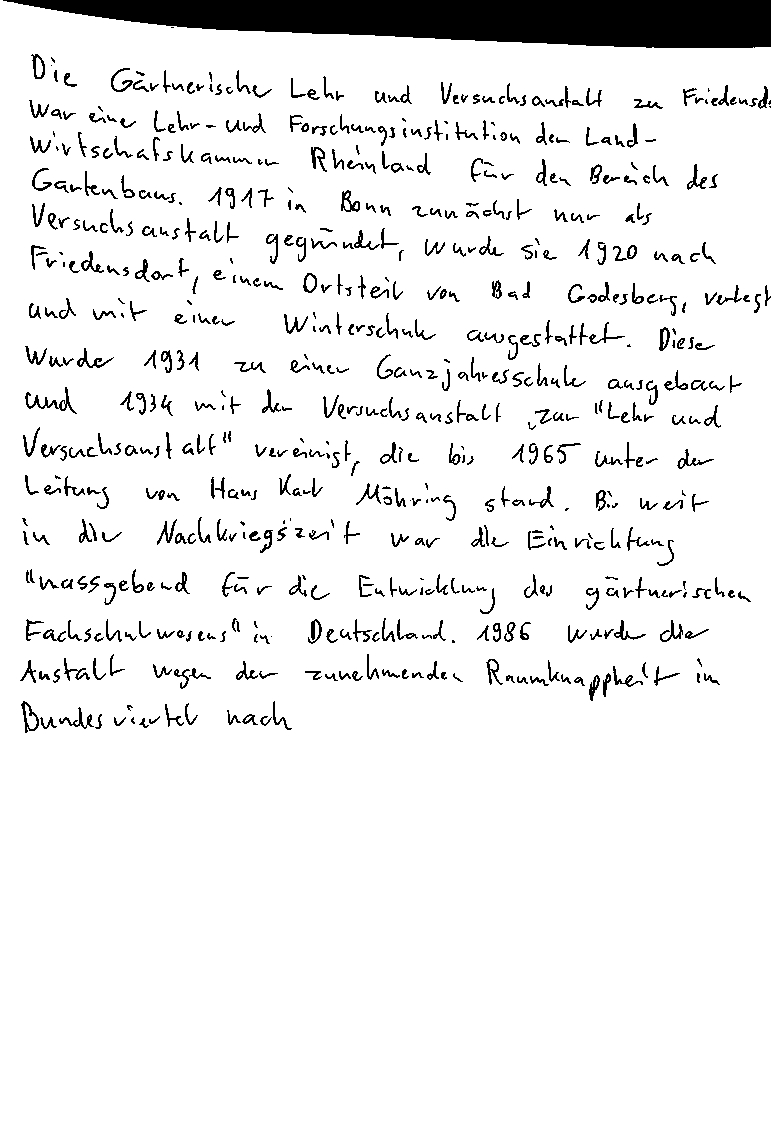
Die Gärtnerische Lehr und Versuchsanstalt zu Friesd
war eine Lehr- und Forschungsinstitution der Land-
Wirtsehafskammer Rheinland für den Bereich des
Gartenbaus. 1917 in Bonn zunächst nur als
Versuchsanstalt gegründet, wurde sie 1920 nach
Friesdorf, einem Ortsteil Von Bad Godesberg, verlegt
und mit einer Winterschule ausgestattet. Diese
Wurde 1931 zu einer Ganzjahresschule ausgebaut
und 1934 mit der Versuchsanstalt zur "Lehr und
Versuchsanstalt" vereinigt, die bis 1965 unter der
Leitung von Hans Karl Möhring stand. Bis weit
in die Nachkriegszeit war die Einrichtung
"maßgebend für die Entwicklung des gärtnerischen
Fachschulwesens" in Deutschland. 1986 wurde die
Anstalt wegen der zunehmenden Raumknappheit im
Bundesviertel nach
